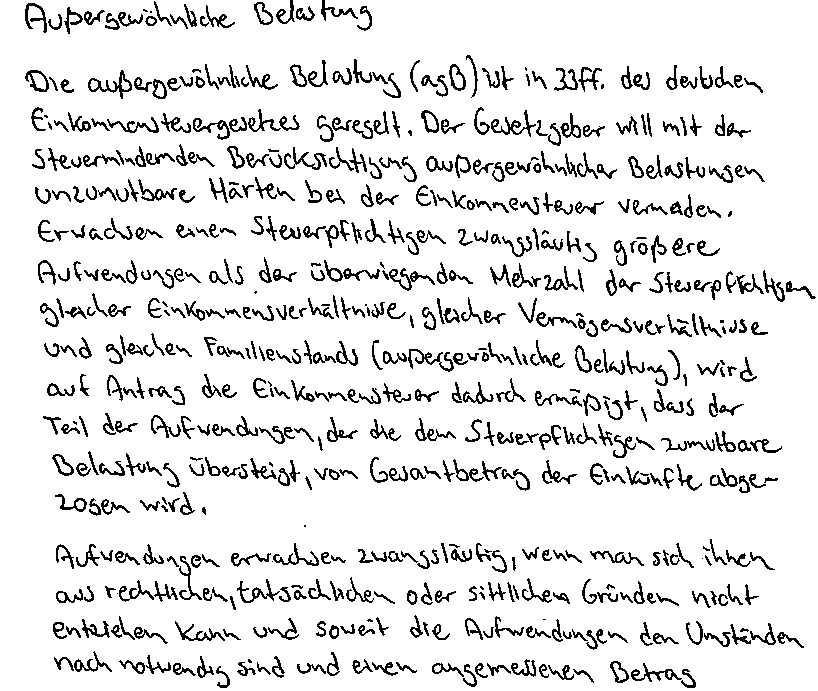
Außergewöhnliche Belastung
Die außergewöhnliche Belastung (agB) ist in 33 ff. des deutschen
Einkommensteuergesetzes geregelt. Der Gesetzgeber will mit der
steuermindernden Berücksichtigung außergewöhnlicher Belastungen
Unzumutbare Härten bei der Einkommensteuer vermeiden.
Erwachsen einem Steuerpflichtigen zwangsläufig größere
Aufwendungen als der überwiegenden Mehrzahl der Steuerpflichtigen
gleicher Einkommensverhältnisse, gleicher Vermögensverhältnisse
und gleichen Familienstands (außergewöhnliche Belastung), wird
auf Antrag die Einkommensteuer dadurch ermäßigt, dass der
Teil der Aufwendungen, der die dem Steuerpflichtigen zumutbare
Belastung übersteigt, vom Gesamtbetrag der Einkünfte abge-
zogen wird.
Aufwendungen erwachsen zwangsläufig, wenn man sich ihnen
aus rechtlichen, tatsächlichen oder sittlichen Gründen nicht
entziehen kann und soweit die Aufwendungen den Umständen
nach notwendig sind und einen angemessenen Betrag
